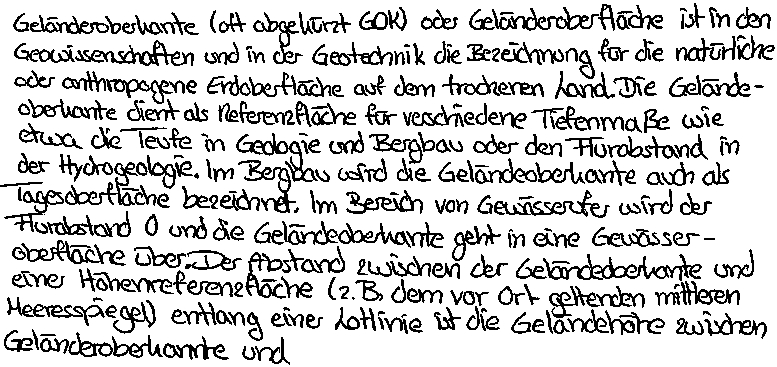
Geländeoberkante (oft abgekürzt GOK) oder Geländeoberfläche ist in den
Geowissenschaften und in der Geotechnik die Bezeichnung für die natürliche
oder anthropogene Erdoberfläche auf dem trockenen Land. Die Gelän-
deoberkante dient als Referenzfläche für verschiedene Tiefenmaße wie
etwa die Teufe in Geologie und Bergbau oder den Flurabstand in
der Hydrogeologie. Im Bergbau wird die Geländeoberkante auch als
Tagesoberfläche bezeichnet. Im Bereich von Gewässerufern wird der
Flurabstand 0 und die Geländeoberkante geht in eine Gewässer-
oberfläche über. Der Abstand zwischen der Geländeoberkante und
einer Höhenreferenzfläche (z. B. dem vor Ort geltenden mittleren
Meeresspiegel) entlang einer Lotlinie ist die Geländehöhe zwischen
Geländeoberkante und
